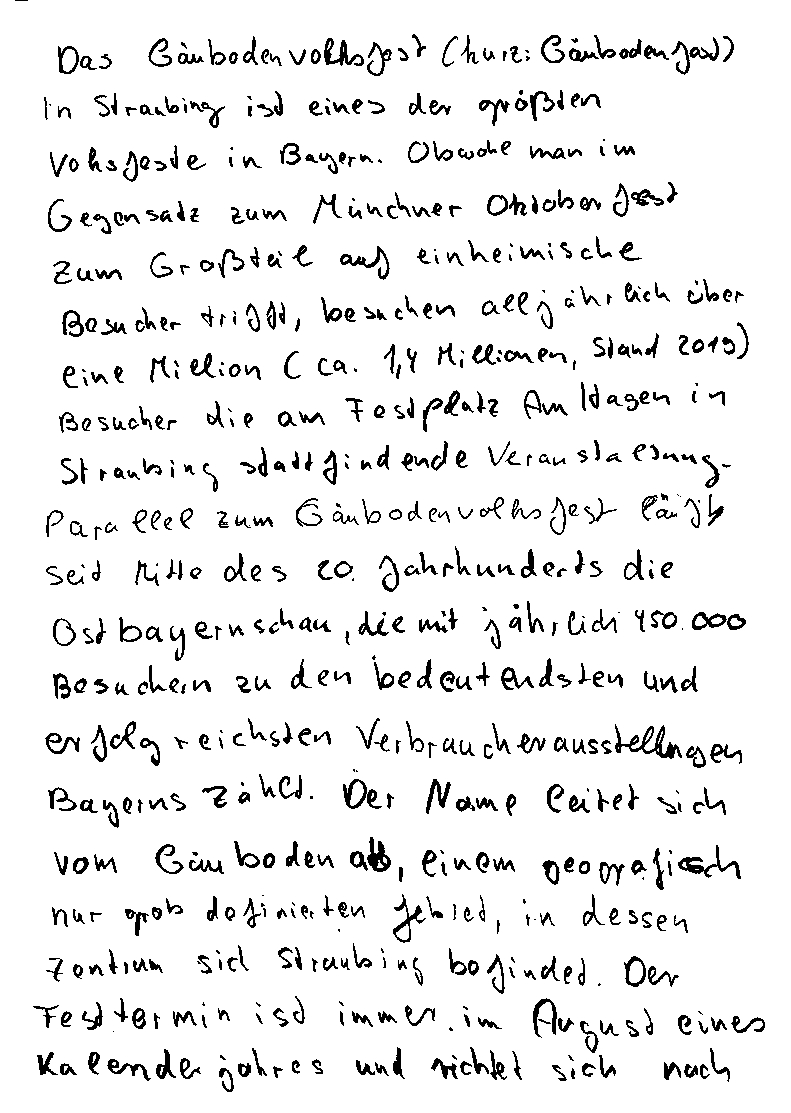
Das Gäubodenvolksfest (kurz: Gäubodenfest)
in Straubing ist eines der größten
Volksfeste in Bayern. Obwohl man im
Gegensatz zum Münchner Oktoberfest
zum Großteil auf einheimische
Besucher trifft, besuchen alljährlich über
über eine Million (ca. 1,4 Millionen, Stand 2019)
Besucher die am Festplatz Am Hagen in
Straubing stattfindende Veranstaltung.
Parallel zum Gäubodenvolksfest läuft
seit Mitte des 20. Jahrhunderts die
Ostbayernschau, die mit jährlich 450.000
Besuchern zu den bedeutendsten und
erfolgreichsten Verbraucherausstellungen
Bayerns zählt. Der Name leitet sich
vom Gäuboden ab, einem geografisch
nur grob definierten Gebiet, in dessen
Zentrum sich Straubing befindet. Der
Festtermin ist immer im August eines
Kalenderjahres und richtet sich nach
